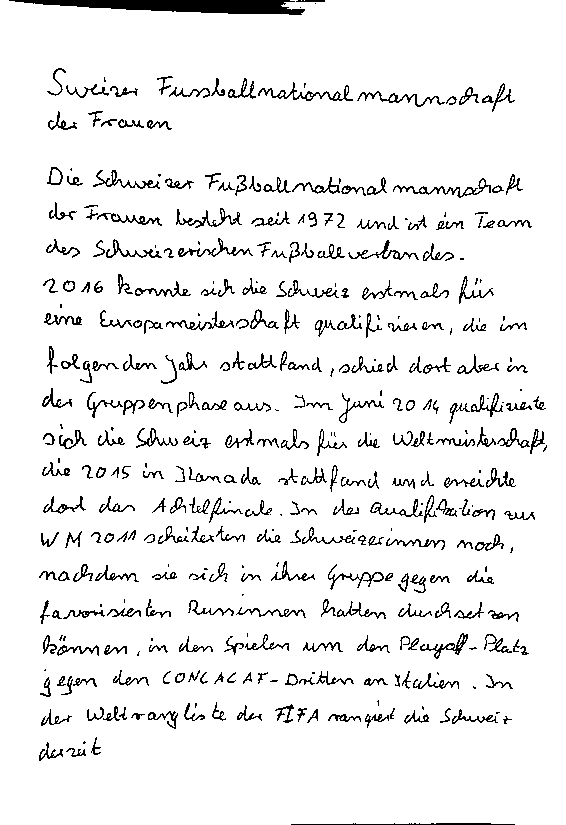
Schweizer Fussballnationalmannschaft
der Frauen
Die Schweizer Fussballnationalmannschaft
der Frauen besteht seit 1972 und ist ein Team
des Schweizerischen Fußballverbandes.
2016 konnte sich die Schweiz erstmals für
eine Europameisterschaft qualifizieren, die im
folgenden Jahr stattfand, schied dort aber in
der Gruppenphase aus Im Juni 20 14 qualifizierte
sich die Schweiz erstmals für die Weltmeisterschaft,
die 2015 in Kanada stattfand und erreichte
dort das Achtelfinale. In der Qualifikation zur
WM 2011 scheiterten die Schweizerinnen noch,
nachdem sie sich in ihrer Gruppe gegen die
favorisierten Russinnen hatten durchsetzen
können, in den Spielen um den Playoff- Platz
gegen den CONCACAF- Dritten an Italien. In
der Weltrangliste der FIFA rangiert die Schweiz
derzeit
